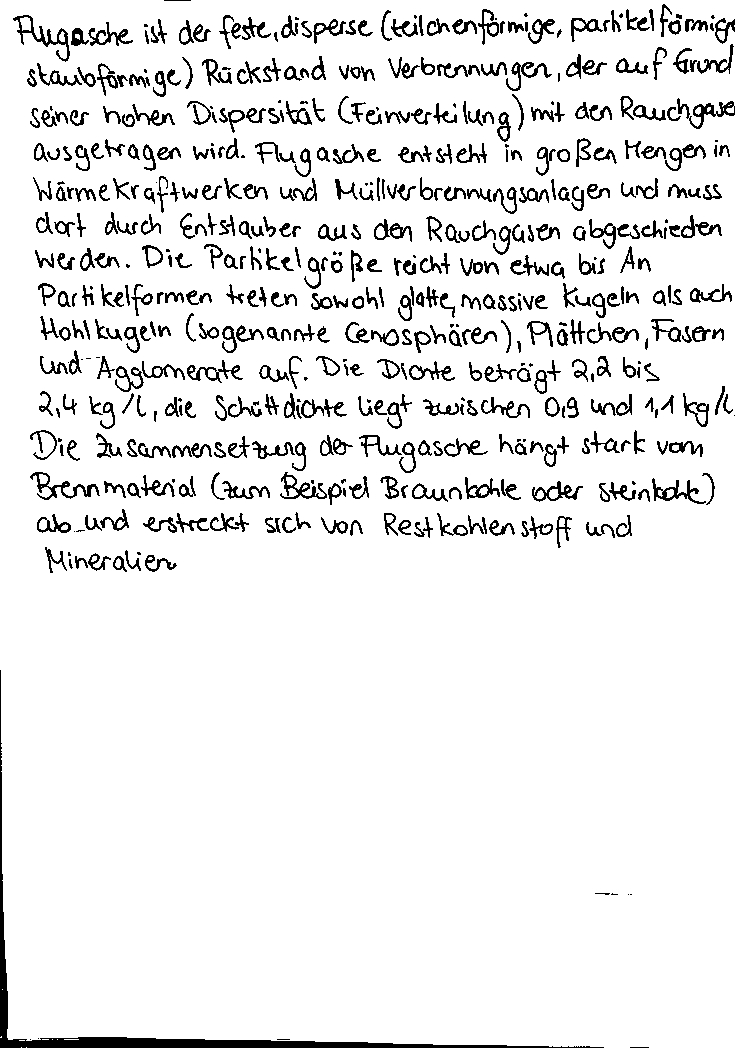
Flugasche ist der feste, disperse (teilchenförmige, partikelförmige,
staubförmige) Rückstand von Verbrennungen, der auf Grund
seiner hohen Dispersität (Feinverteilung) mit den Rauchgasen
ausgetragen wird. Flugasche entsteht in großen Mengen in
Wärmekraftwerken und Müllverbrennungsanlagen und muss
dort durch Entstauber aus den Rauchgasen abgeschieden
werden. Die Partikelgröße reicht von etwa bis An
Partikelformen treten sowohl glatte, massive Kugeln als auch
Hohlkugeln (sogenannte Cenosphären), Plättchen, Fasern
und Agglomerate auf. Die Dichte beträgt 2,2 bis
2,4 kg/l, die Schüttdichte liegt zwischen 0,9 und 1,1 kg/l.
Die Zusammensetzung der Flugasche hängt stark vom
Brennmaterial (zum Beispiel Braunkohle oder Steinkohle)
ab und erstreckt sich von Restkohlenstoff und
Mineralien
